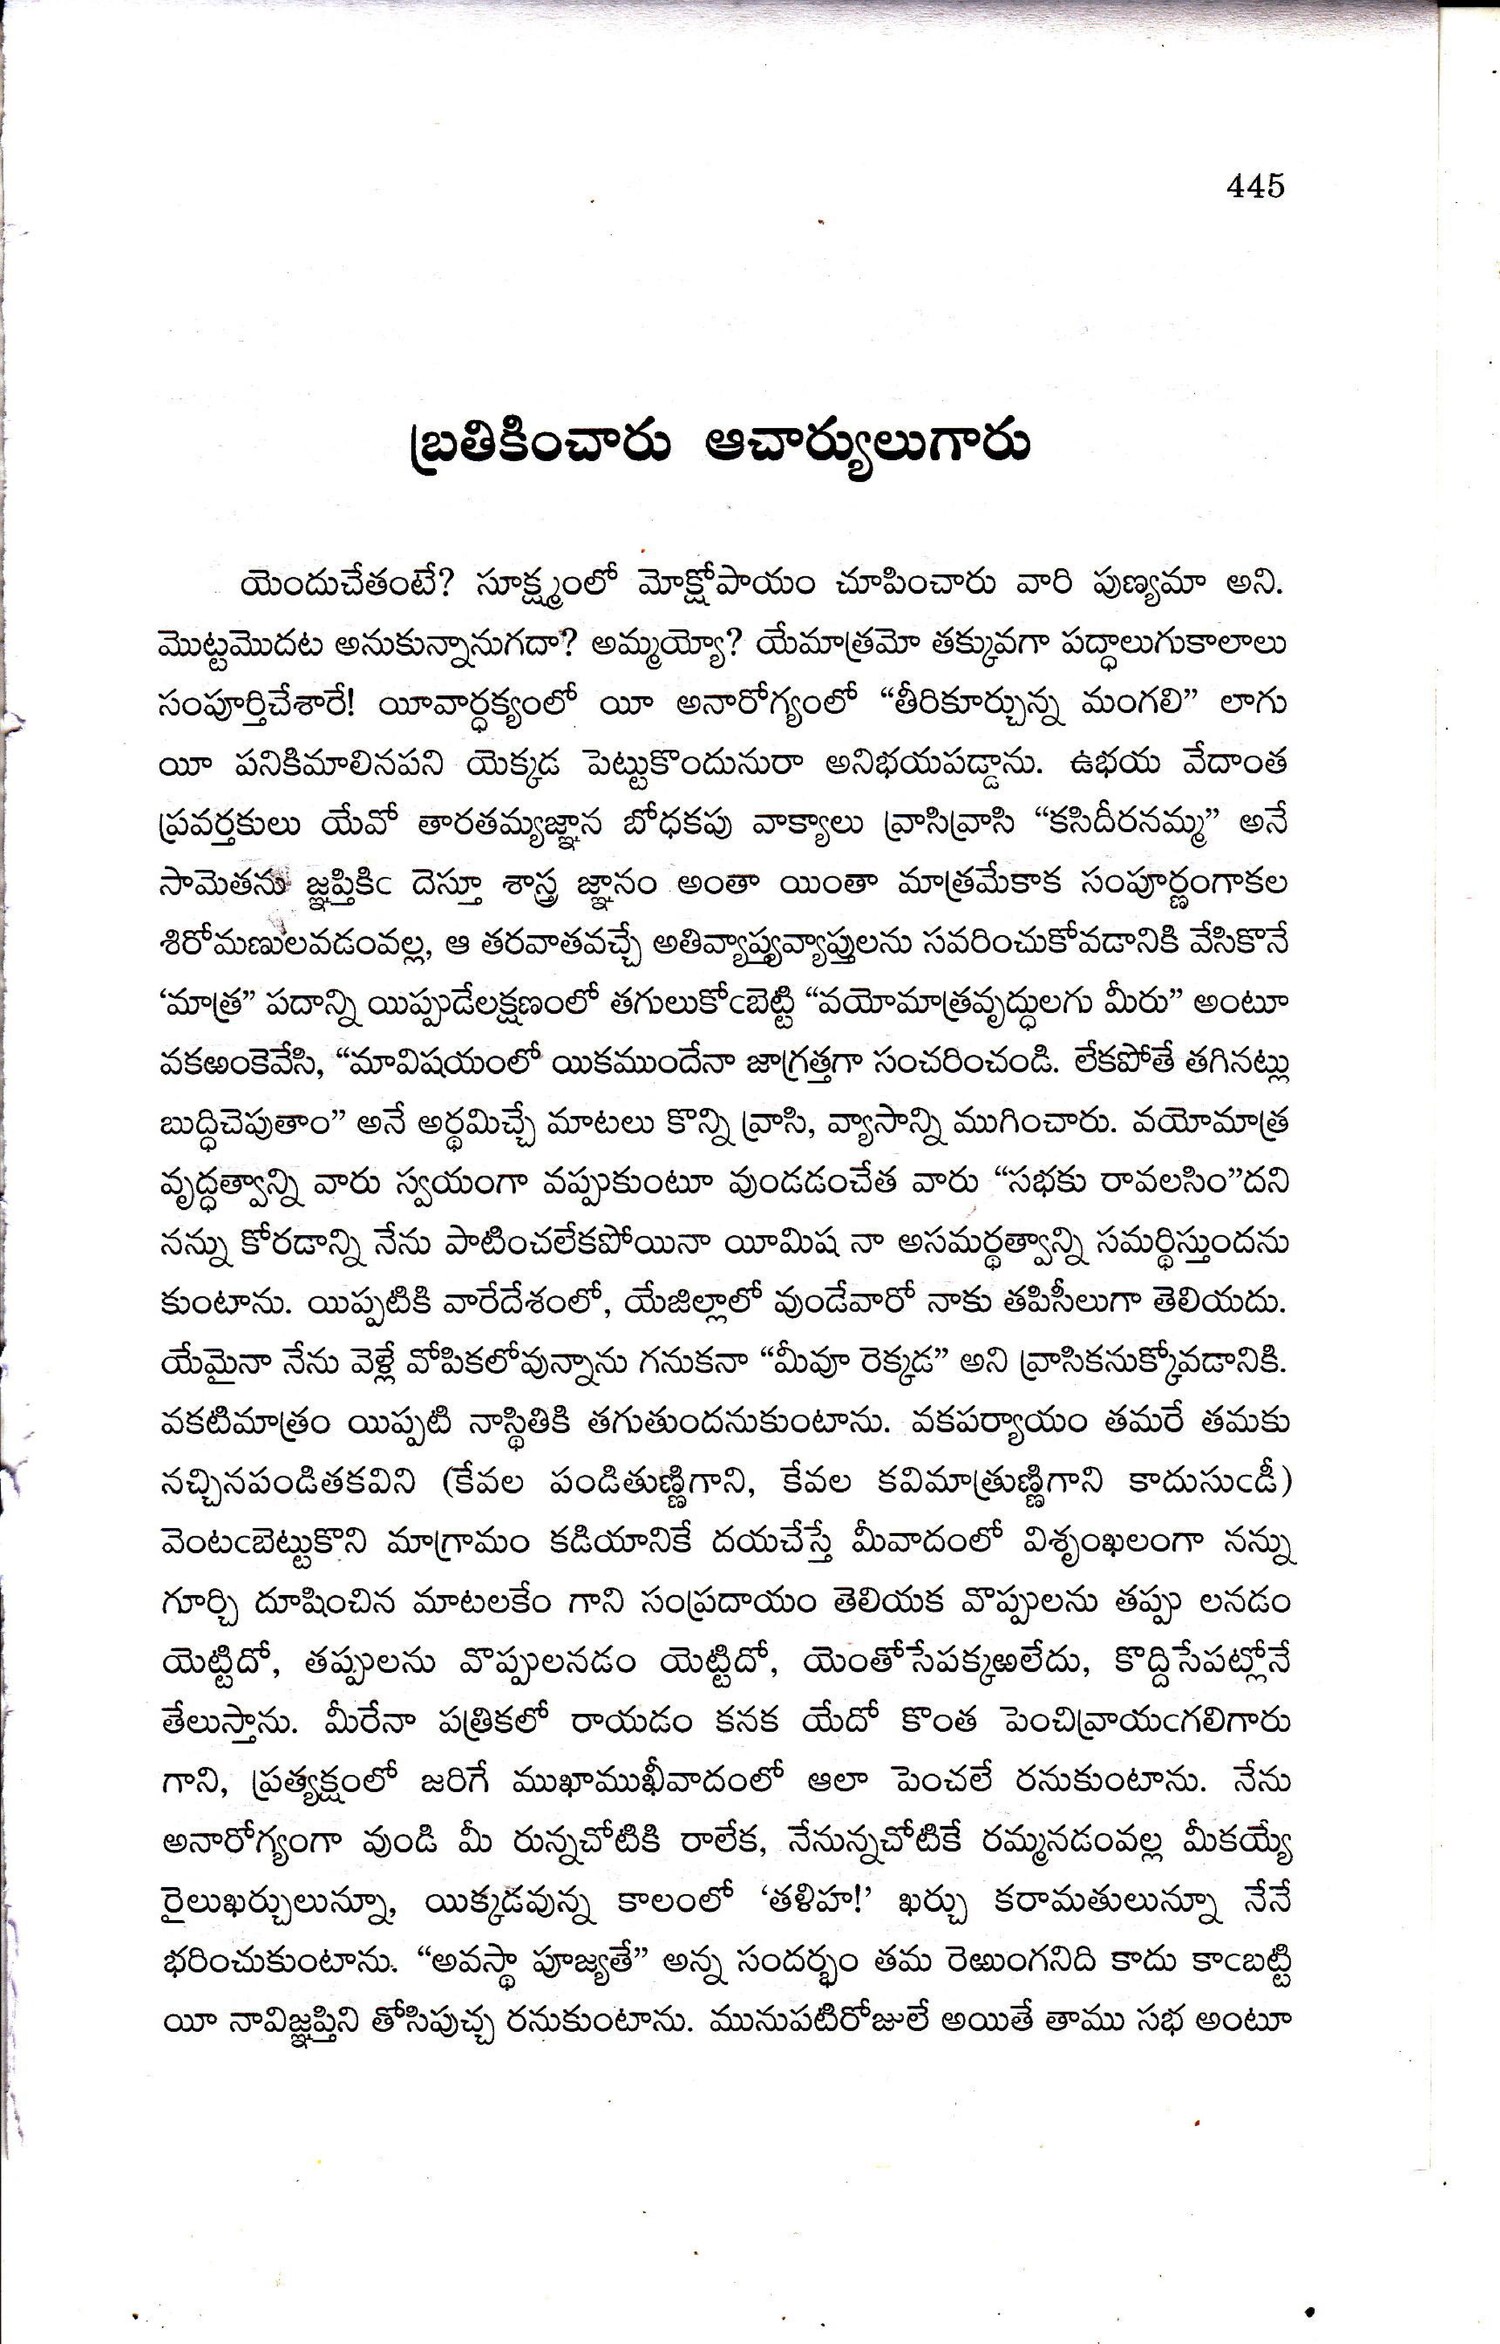బ్రతికించారు ఆచార్యులుగారు

యెందుచేతంటే? సూక్ష్మంలో మోక్లోపాయం చూపించారు వారి పుణ్యమా అని. మొట్టమొదట అనుకున్నానుగదా? అమ్మయ్యో? యేమాత్రమో తక్కువగా పద్ధాలుగుకాలాలు సంపూర్తిచేశారే! యీవార్ధక్యంలో యీ అనారోగ్యంలో "తీరికూర్చున్న మంగలి" లాగు యీ పనికిమాలినపని యెక్కడ పెట్టుకొందునురా అనిభయపడ్డాను. ఉభయ వేదాంత ప్రవర్తకులు యేవో తారతమ్యజ్ఞాన బోధకపు వాక్యాలు వ్రాసివ్రాసి "కసిదీరనమ్మ" అనే సామెతను జ్ఞప్తికిఁ దెస్తూ శాస్త్ర జ్ఞానం అంతా యింతా మాత్రమేకాక సంపూర్ణంగాకల శిరోమణులవడంవల్ల, ఆ తరవాతవచ్చే అతివ్యాప్త్యవ్యాప్తులను సవరించుకోవడానికి వేసికొనే "మాత్ర" పదాన్ని యిప్పుడేలక్షణంలో తగులుకోఁబెట్టి "వయోమాత్రవృద్దులగు మీరు" అంటూ వకఱంకెవేసి, “మావిషయంలో యికముందేనా జాగ్రత్తగా సంచరించండి. లేకపోతే తగినట్లు బుద్ధిచెపుతాం” అనే అర్థమిచ్చే మాటలు కొన్ని వ్రాసి, వ్యాసాన్ని ముగించారు. వయోమాత్ర వృద్ధత్వాన్ని వారు స్వయంగా వప్పుకుంటూ వుండడంచేత వారు “సభకు రావలసిం”దని నన్ను కోరడాన్ని నేను పాటించలేకపోయినా యీమిష నా అసమర్ధత్వాన్ని సమర్ధిస్తుందను కుంటాను. యిప్పటికి వారేదేశంలో, యేజిల్లాలో వుండేవారో నాకు తపిసీలుగా తెలియదు. యేమైనా నేను వెళ్లే వోపికలోవున్నాను గనుకనా “మీవూ రెక్కడ” అని వ్రాసికనుక్కోవడానికి. వకటిమాత్రం యిప్పటి నాస్థితికి తగుతుందనుకుంటాను. వకపర్యాయం తమరే తమకు నచ్చినపండితకవిని (కేవల పండితుణ్ణిగాని, కేవల కవిమాత్రుణ్ణిగాని కాదుసుఁడీ) వెంటఁబెట్టుకొని మాగ్రామం కడియానికే దయచేస్తే మీవాదంలో విశృంఖలంగా నన్ను గూర్చి దూషించిన మాటలకేం గాని సంప్రదాయం తెలియక వొప్పులను తప్పు లనడం యెట్టిదో, తప్పులను వొప్పులనడం యెట్టిదో, యెంతోసేపక్కఱలేదు, కొద్దిసేపట్లోనే తేలుస్తాను. మీరేనా పత్రికలో రాయడం కనక యేదో కొంత పెంచివ్రాయఁగలిగారు గాని, ప్రత్యక్షంలో జరిగే ముఖాముఖీవాదంలో ఆలా పెంచలే రనుకుంటాను. నేను అనారోగ్యంగా వుండి మీ రున్నచోటికి రాలేక, నేనున్నచోటికే రమ్మనడంవల్ల మీకయ్యే రైలు ఖర్చులున్నూ, యిక్కడవున్న కాలంలో 'తళిహ!' ఖర్చు కరామతులున్నూ నేనే భరించుకుంటాను. “అవస్థా పూజ్యతే" అన్న సందర్భం తమ రెఱుంగనిది కాదు కాఁబట్టి యీ నావిజ్ఞప్తిని తోసిపుచ్చరనుకుంటాను. మునుపటిరోజులే అయితే తాము సభ అంటూ